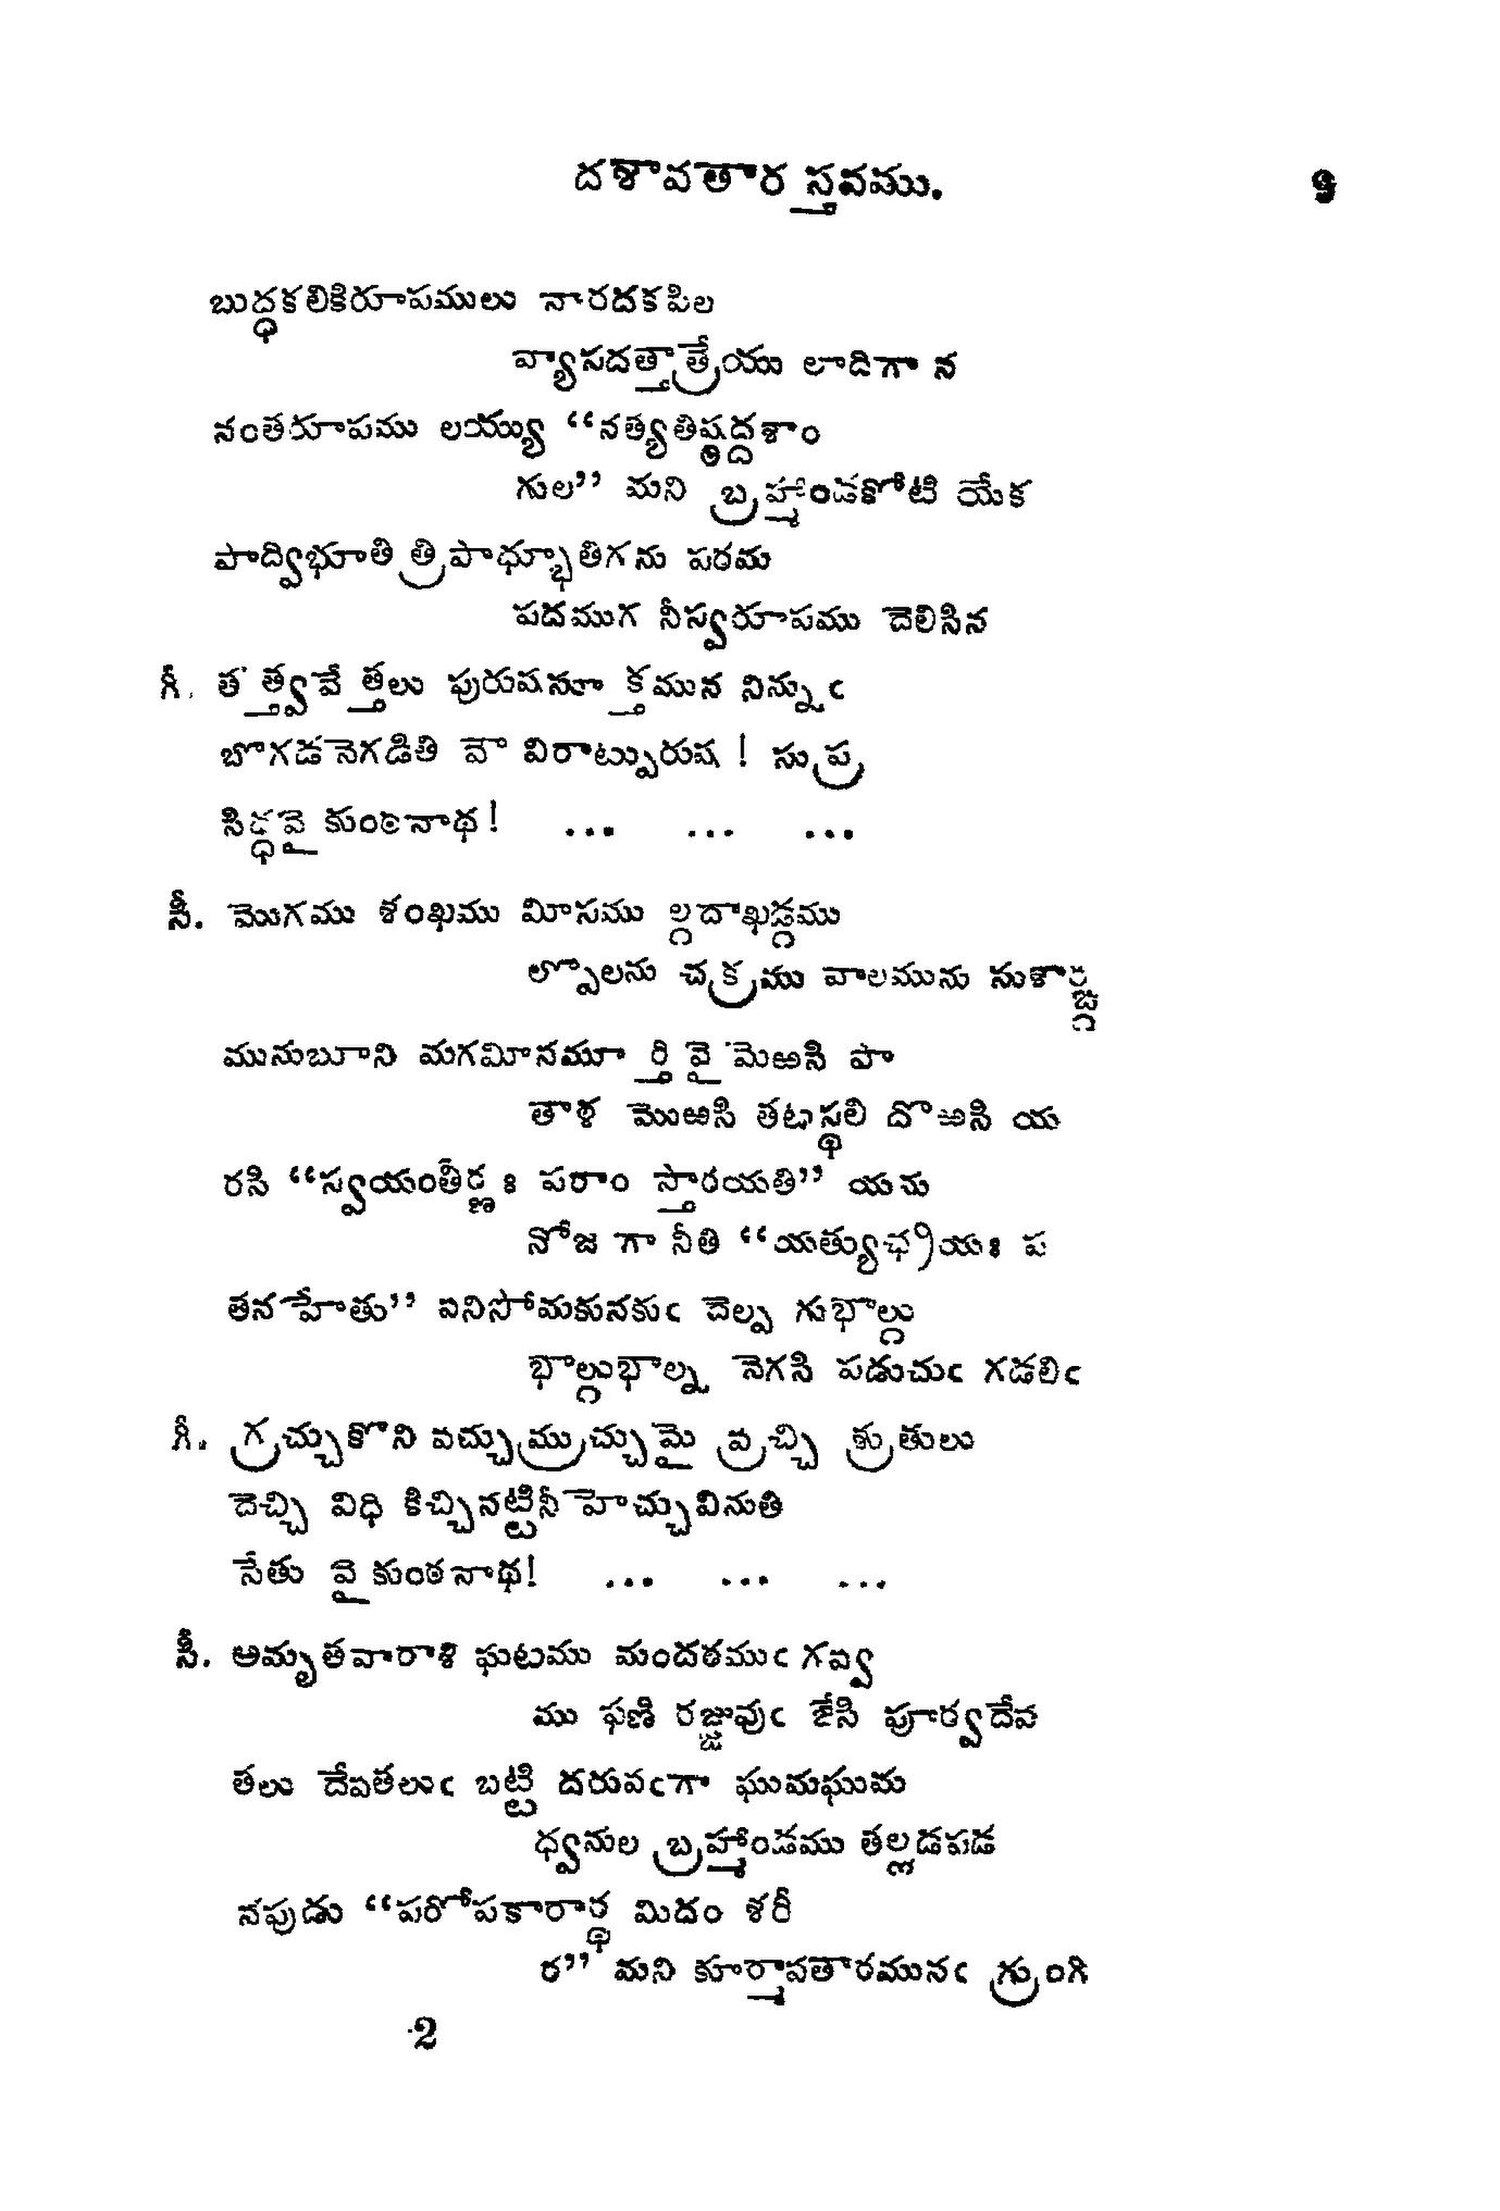బుద్ధకలికిరూపములు నారదకపిల
 వ్యాసదత్తాత్రేయు లాదిగా న
 నంతరూపము లయ్యు “నత్యతిష్ఠద్దశాం
 గుల” మని బ్రహ్మాండకోటి యేక
 పాద్విభూతిత్రిపాద్భూతిగను పరమ
 పదముగ నీ స్వరూపము దెలిసిన
గీ. తత్త్వవేత్తలు పురుషసూక్తమున నిన్నుఁ
 బొగడనెగడితి వౌ విరాట్పురుష! సుప్ర
 సిద్ధ వైకుంఠనాథ! లక్ష్మీసనాథ!
 రక్షణపరాయణుండ! నారాయణుండ!
సీ. మొగము శంఖము మీసము ల్గదాఖడ్గము
 ల్పొలను చక్రము వాలమును సుశార్ఙ్గ
 మును బూని మగమీసమూర్తివై మెఱసి పా
 తాళ మొఱసి తటస్థిలి దొఱసి య
 రసి “స్వయంతీర్ణః పరాం స్తారయతి” యను
 నోజ గా నీతి “యత్యుఛ్రయః
 తనహేతు” వని సోమకునకుఁ దెల్ప గుభా ల్గు
 భాల్గుభాల్మ నెగసి పడుచుఁ గదలిఁ
గీ. గ్రచ్చుకొని వచ్చు మ్రుచ్చుమై వచ్చి శ్రుతులు
 దెచ్చి విధి కిచ్చినట్టి నీ హెచ్చు వినుతి
 సేతు వైకుంఠనాథ! లక్ష్మీసనాథ!
 రక్షణపరాయణుండ! నారాయణుండ!
సీ. అమృతవారాశి ఘటము మందరముఁ గవ్వ
 ము ఫణి రజ్జువుఁ జేసి పూర్వదేవ
 తలు దేవతలుఁ బట్టి తరువఁగా ఘుమఘుమ
 ధ్వనుల బ్రహ్మాండము తల్లడపడ
 నపుడు “పరోపకారార్థ మిదం శరీ
 ర” మని కూర్మావతారమునఁ గ్రుంగి